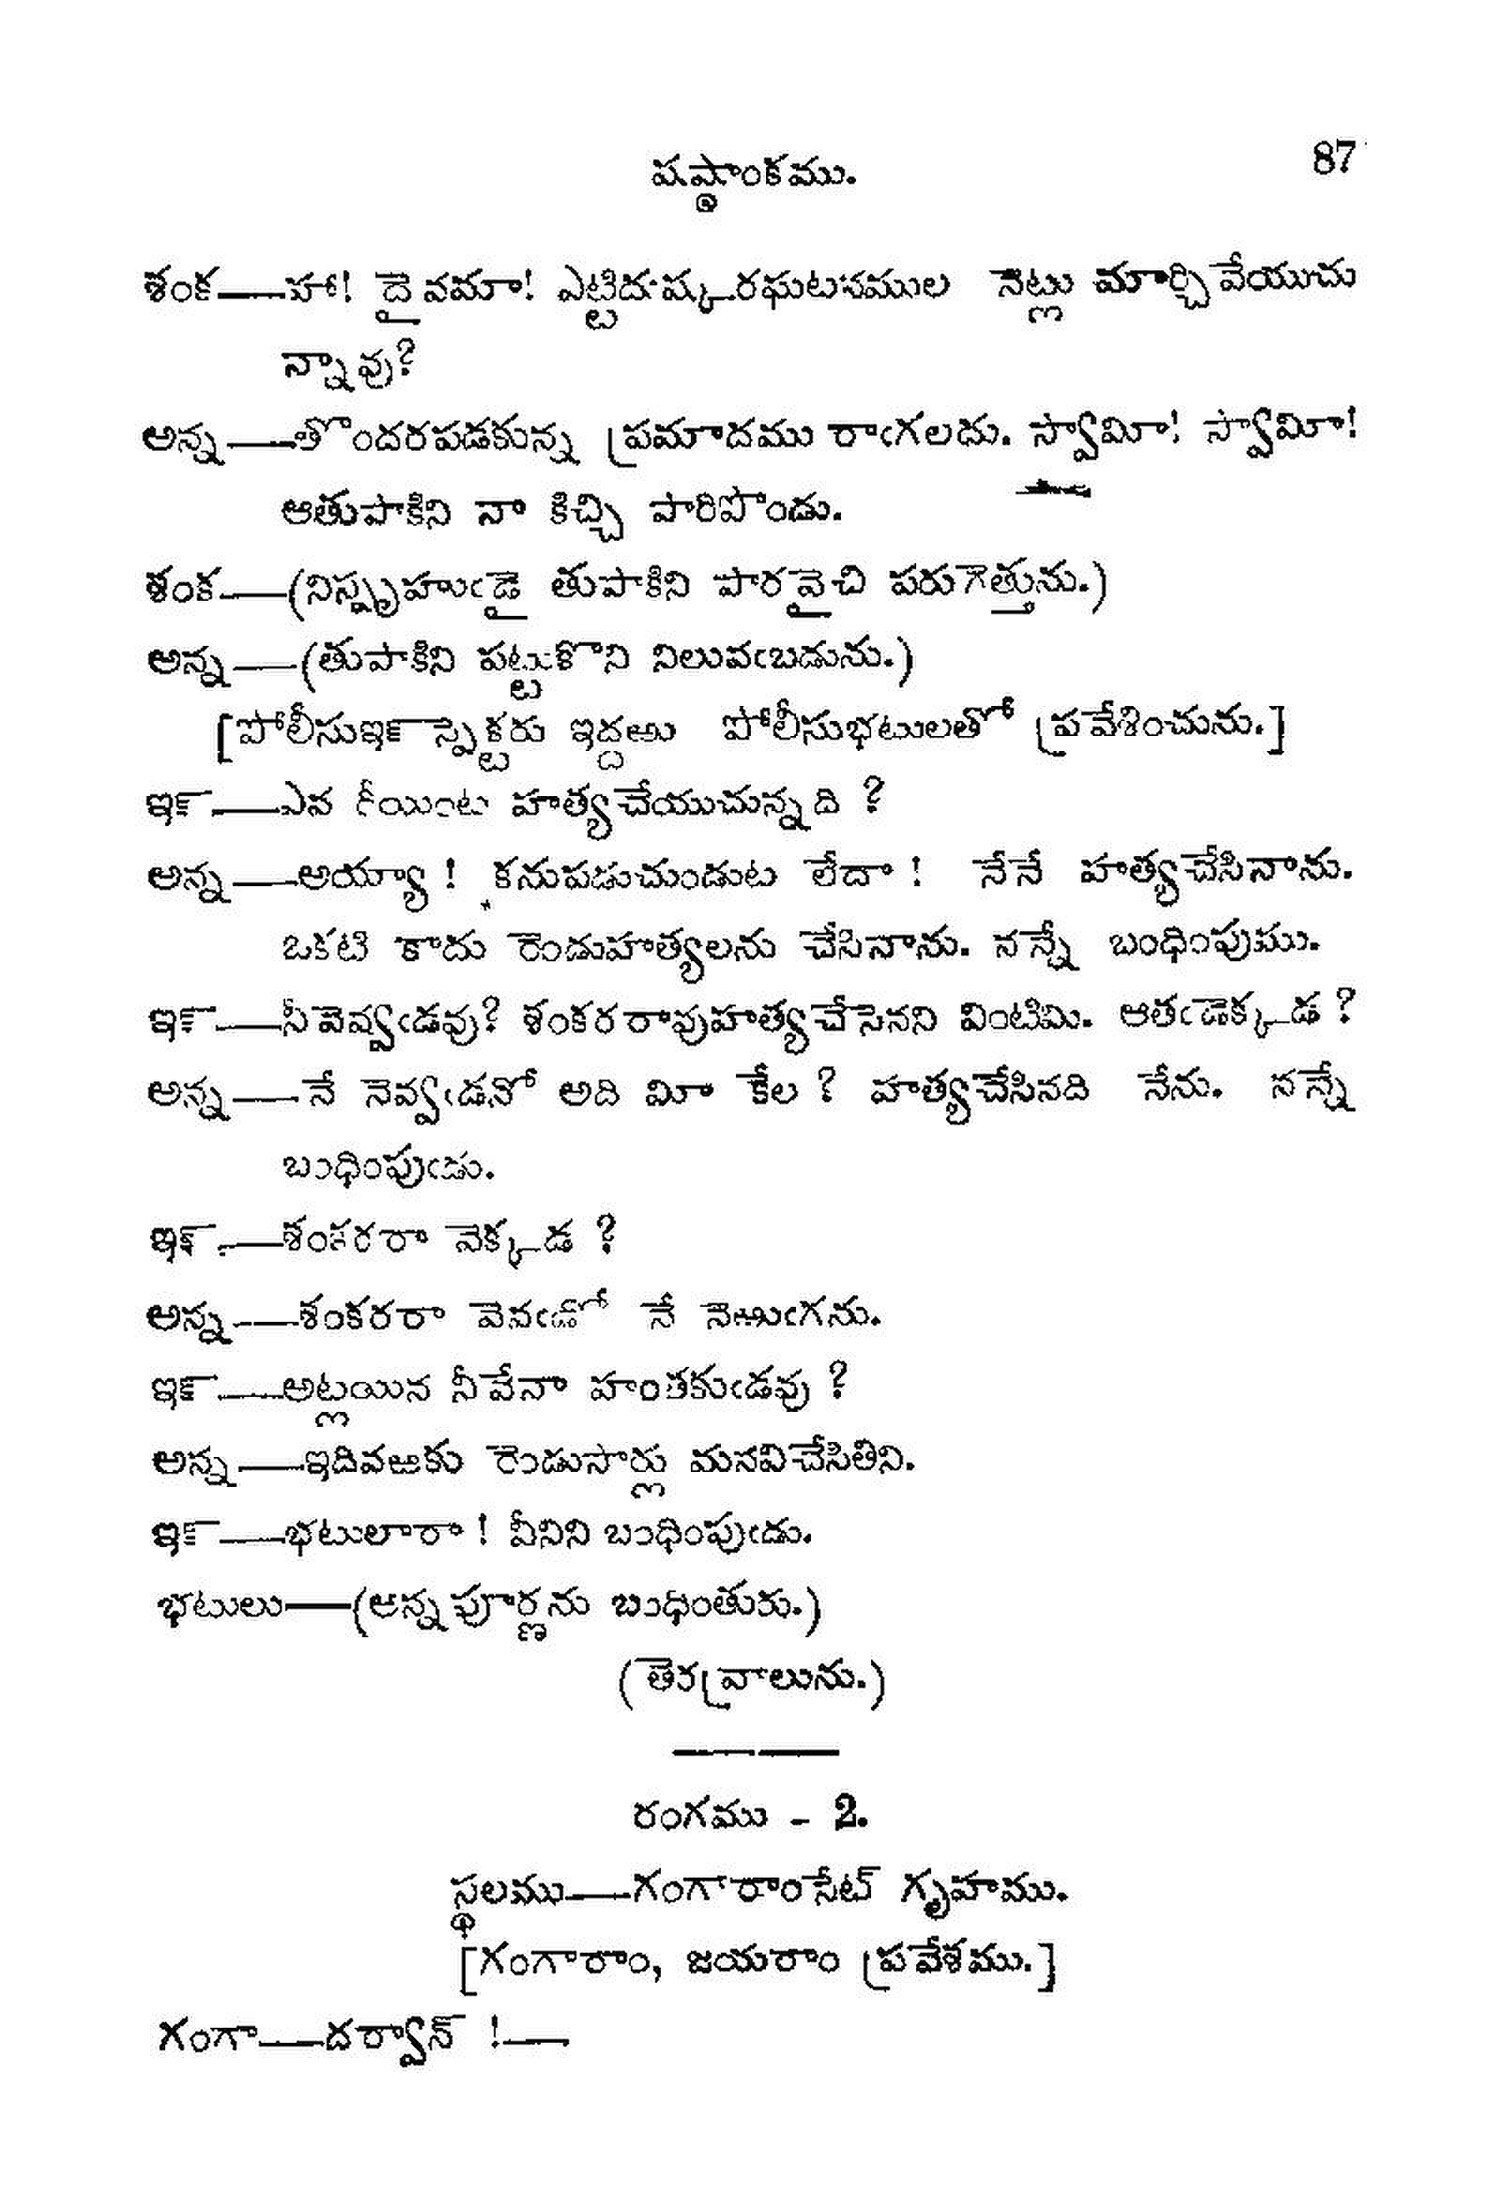శంక - హా! దైవమా! ఎట్టిదుష్కరఘటనముల నెట్లు మార్చివేయుచున్నావు?

అన్న — తొందరపడకున్న ప్రమాదము రాఁగలదు. స్వామి స్వామీ! ఆతుపాకిని నా కిచ్చి పారిపొండు.

శంక - (నిస్పృహుఁడై తుపాకిని పారవైచి పరుగెత్తును.)

అన్న -- (తుపాకిని పట్టుకొని నిలువఁబడును.)

ఇన్ - ఎవ రీయింట హత్యచేయుచున్నది ?

అన్న — అయ్యా ! కనుపడుచుండుట లేదా ! నేనే హత్యచేసినాను. ఒకటి కాదు రెండుహత్యలను చేసినాను. నన్నే బంధింపుము.

ఇన్ — నీవెవ్వఁడవు? శంకరరావుహత్యచేసెనని వింటిమి. ఆతఁడెక్కడ ?

అన్న - నే నెవ్వఁడనో అది మీ కేల ? హత్యచేసినది నేను. నన్నే బంధింపుఁడు.

ఇన్ - శంకరరా వెక్కడ ?

అన్న -- శంకరరా వెవఁడో నే నెఱుఁగను.

ఇన్ -- అట్లయిన నీవేనా హంతకుఁడవు ?

అన్న - ఇదివఱకు రెండుసార్లు మనవిచేసితిని.

ఇన్ -- భటులారా ! వీనిని బంధింపుఁడు.

భటులు – (అన్నపూర్ణను బంధింతురు.)

గంగా - దర్వాన్ !